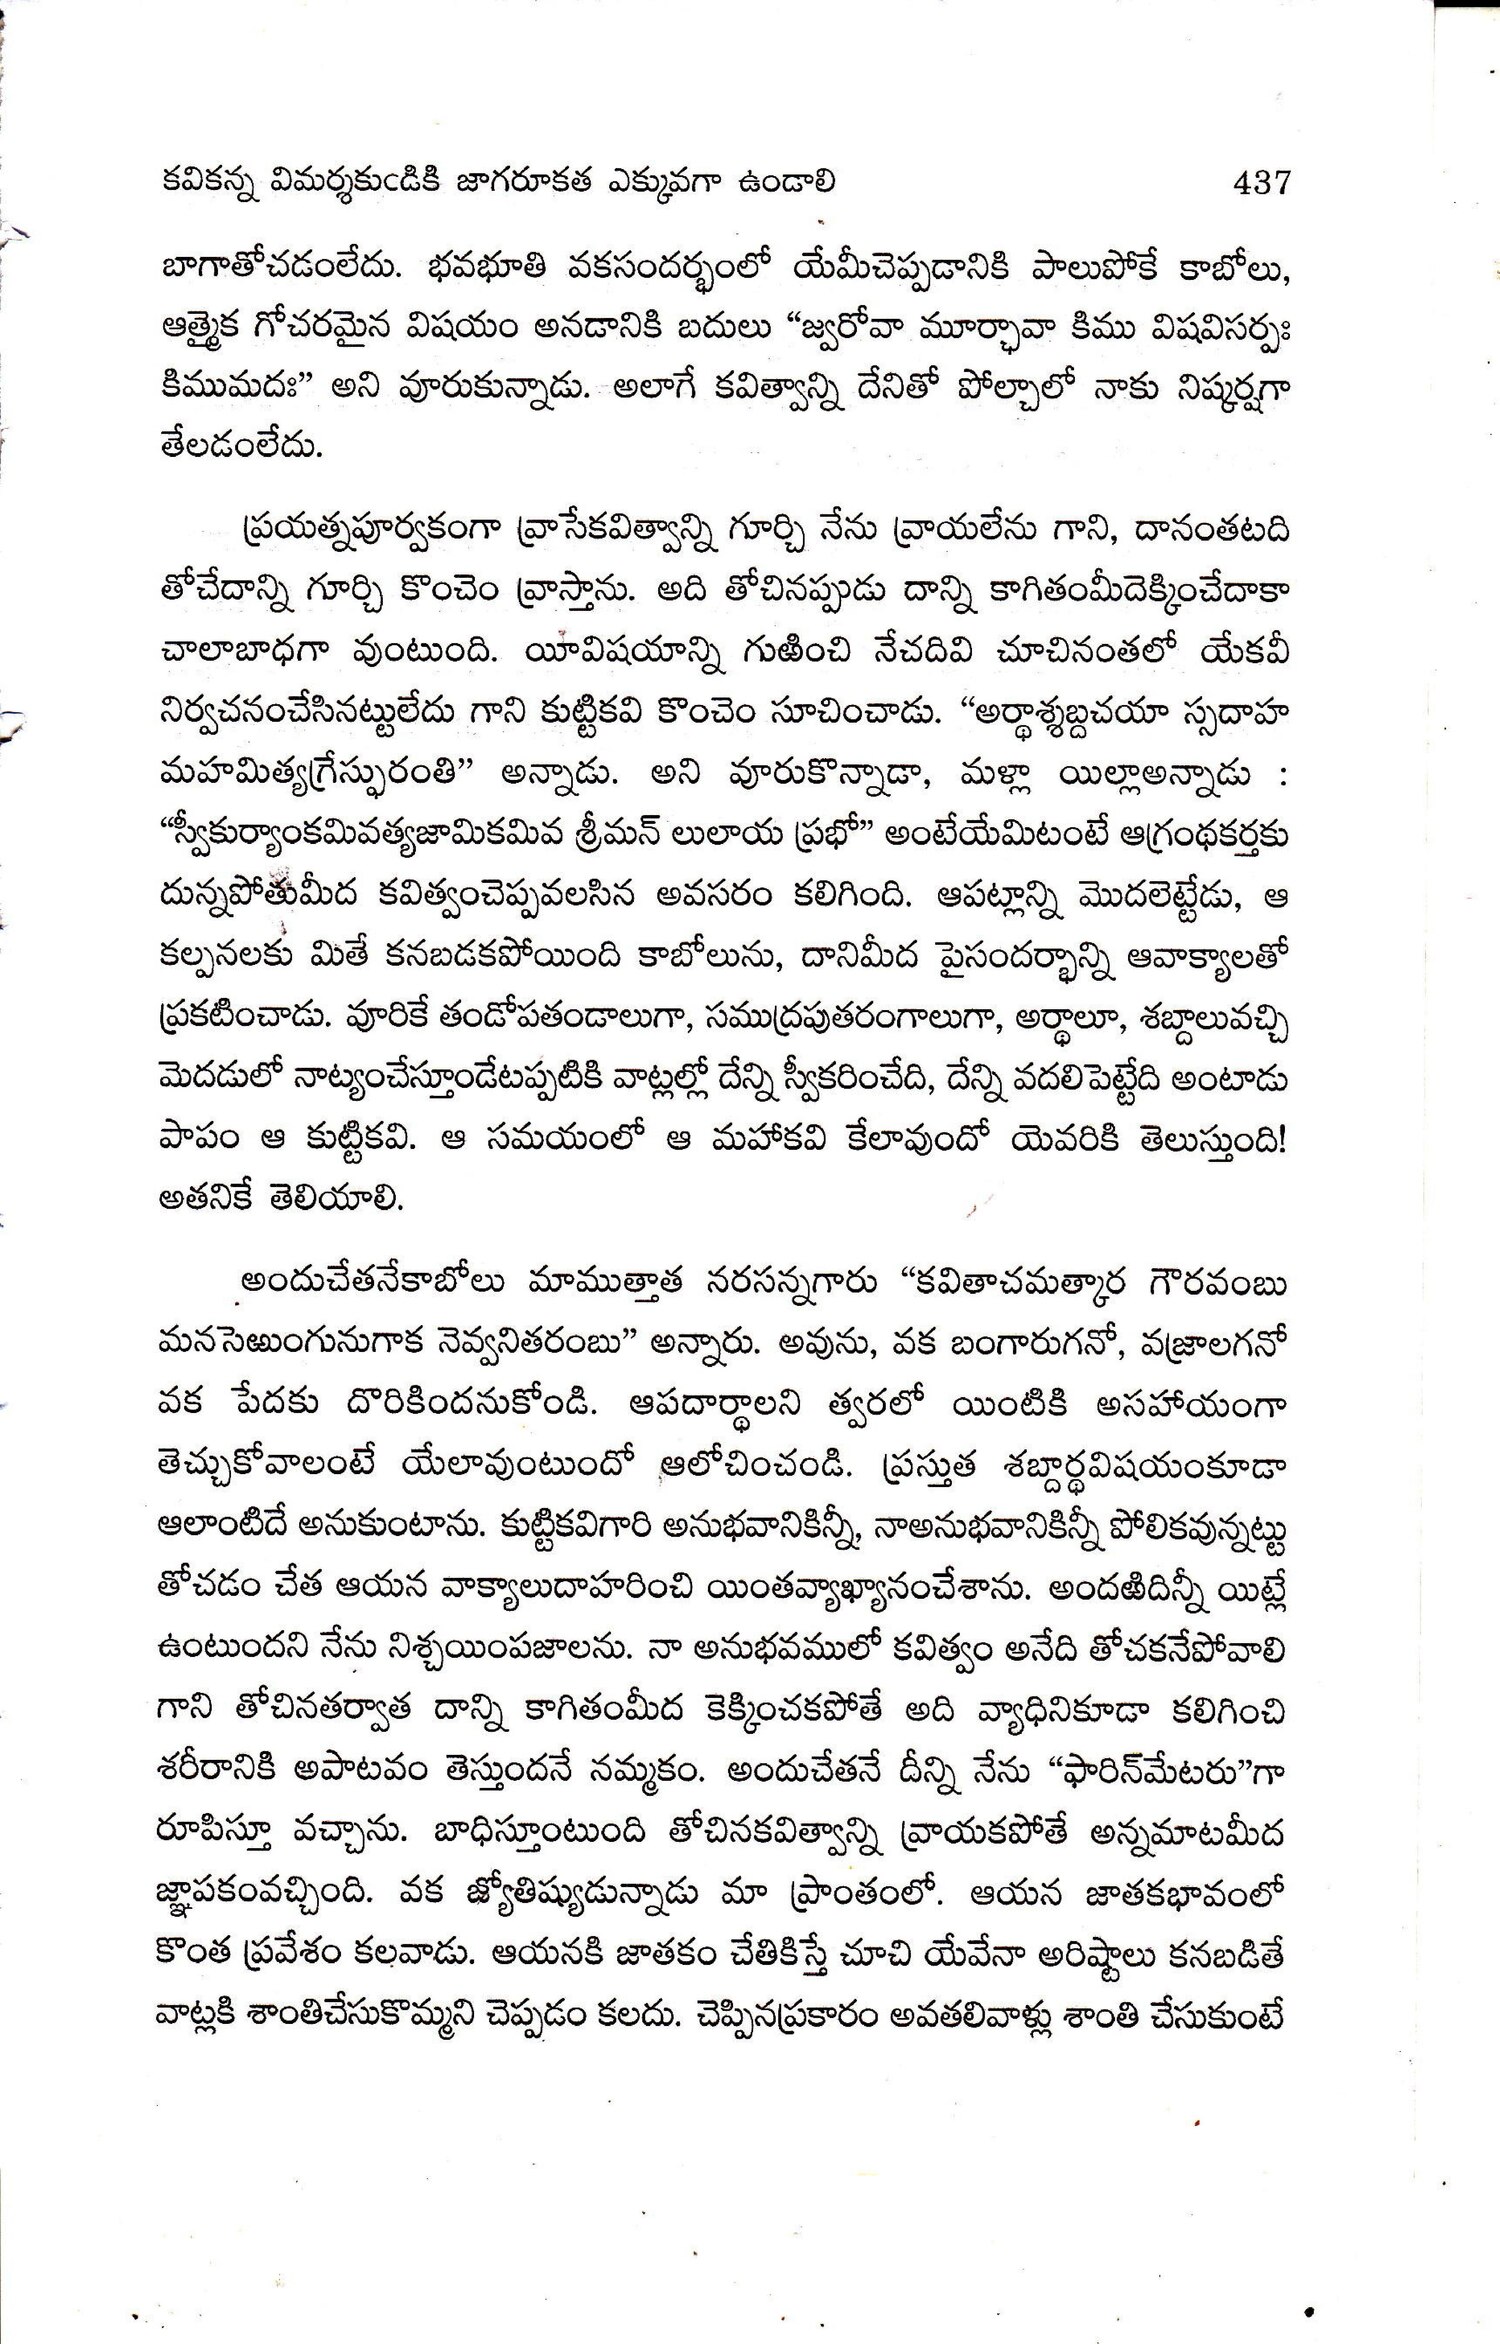బాగాతోచడంలేదు. భవభూతి వకసందర్భంలో యేమీచెప్పడానికి పాలుపోకే కాబోలు, ఆత్మైక గోచరమైన విషయం అనడానికి బదులు “జ్వరోవా మూర్చావా కిము విషవిసర్పః కిముమదః" అని వూరుకున్నాడు. అలాగే కవిత్వాన్ని దేనితో పోల్చాలో నాకు నిష్కర్షగా తేలడంలేదు. -

ప్రయత్నపూర్వకంగా వ్రాసేకవిత్వాన్ని గూర్చి నేను వ్రాయలేను గాని, దానంతటది తోచేదాన్ని గూర్చి కొంచెం వ్రాస్తాను. అది తోచినప్పుడు దాన్ని కాగితంమీదెక్కించేదాకా చాలాబాధగా వుంటుంది. యీవిషయాన్ని గుఱించి నేచదివి చూచినంతలో యేకవీ నిర్వచనంచేసినట్టులేదు గాని కుట్టికవి కొంచెం సూచించాడు. "అర్ధాశ్శబ్దచయా స్సదాహ మహమిత్య గ్రేస్ఫురంతి" అన్నాడు. అని వూరుకొన్నాడా, మళ్లా యిల్లాఅన్నాడు : “స్వికుర్యాంకమివత్యజామికమివ శ్రీమన్ లులాయ ప్రభో" అంటేయేమిటంటే ఆగ్రంథకర్తకు దున్నపోతుమీద కవిత్వంచెప్పవలసిన అవసరం కలిగింది. ఆపట్టాన్ని మొదలెట్టేడు, ఆ కల్పనలకు మితే కనబడకపోయింది కాబోలును, దానిమీద పైసందర్భాన్ని ఆవాక్యాలతో ప్రకటించాడు. వూరికే తండోపతండాలుగా, సముద్రపుతరంగాలుగా, అర్థాలూ, శబ్దాలువచ్చి మెదడులో నాట్యంచేస్తూండేటప్పటికి వాట్లల్లో దేన్ని స్వీకరించేది, దేన్ని వదలిపెట్టేది అంటాడు పాపం ఆ కుట్టికవి. ఆ సమయంలో ఆ మహాకవి కేలావుందో యెవరికి తెలుస్తుంది! అతనికే తెలియాలి.

అందుచేతనేకాబోలు మాముత్తాత నరసన్నగారు “కవితాచమత్కార గౌరవంబు మనసెఱుంగునుగాక నెవ్వనితరంబు" అన్నారు. అవును, వక బంగారుగనో, వజ్రాలగనో వక పేదకు దొరికిందనుకోండి. ఆపదార్థాలని త్వరలో యింటికి అసహాయంగా తెచ్చుకోవాలంటే యేలావుంటుందో ఆలోచించండి. ప్రస్తుత శబ్దార్థవిషయంకూడా ఆలాంటిదే అనుకుంటాను. కుట్టికవిగారి అనుభవానికిన్నీ నాఅనుభవానికిన్నీ పోలికవున్నట్టు తోచడం చేత ఆయన వాక్యాలుదాహరించి యింతవ్యాఖ్యానంచేశాను. అందఱిదిన్నీ యిట్లే ఉంటుందని నేను నిశ్చయింపజాలను. నా అనుభవములో కవిత్వం అనేది తోచకనేపోవాలి గాని తోచినతర్వాత దాన్ని కాగితంమీద కెక్కించకపోతే అది వ్యాధినికూడా కలిగించి శరీరానికి అపాటవం తెస్తుందనే నమ్మకం. అందుచేతనే దీన్ని నేను "ఫారిన్‌మేటరు"గా రూపిస్తూ వచ్చాను. బాధిస్తూంటుంది తోచినకవిత్వాన్ని వ్రాయకపోతే అన్నమాటమీద జ్ఞాపకంవచ్చింది. వక జ్యోతిష్యుడున్నాడు మా ప్రాంతంలో, ఆయన జాతకభావంలో కొంత ప్రవేశం కలవాడు. ఆయనకి జాతకం చేతికిస్తే చూచి యేవేనా అరిష్టాలు కనబడితే వాట్లకి శాంతిచేసుకొమ్మని చెప్పడం కలదు. చెప్పినప్రకారం అవతలివాళ్లు శాంతి చేసుకుంటే